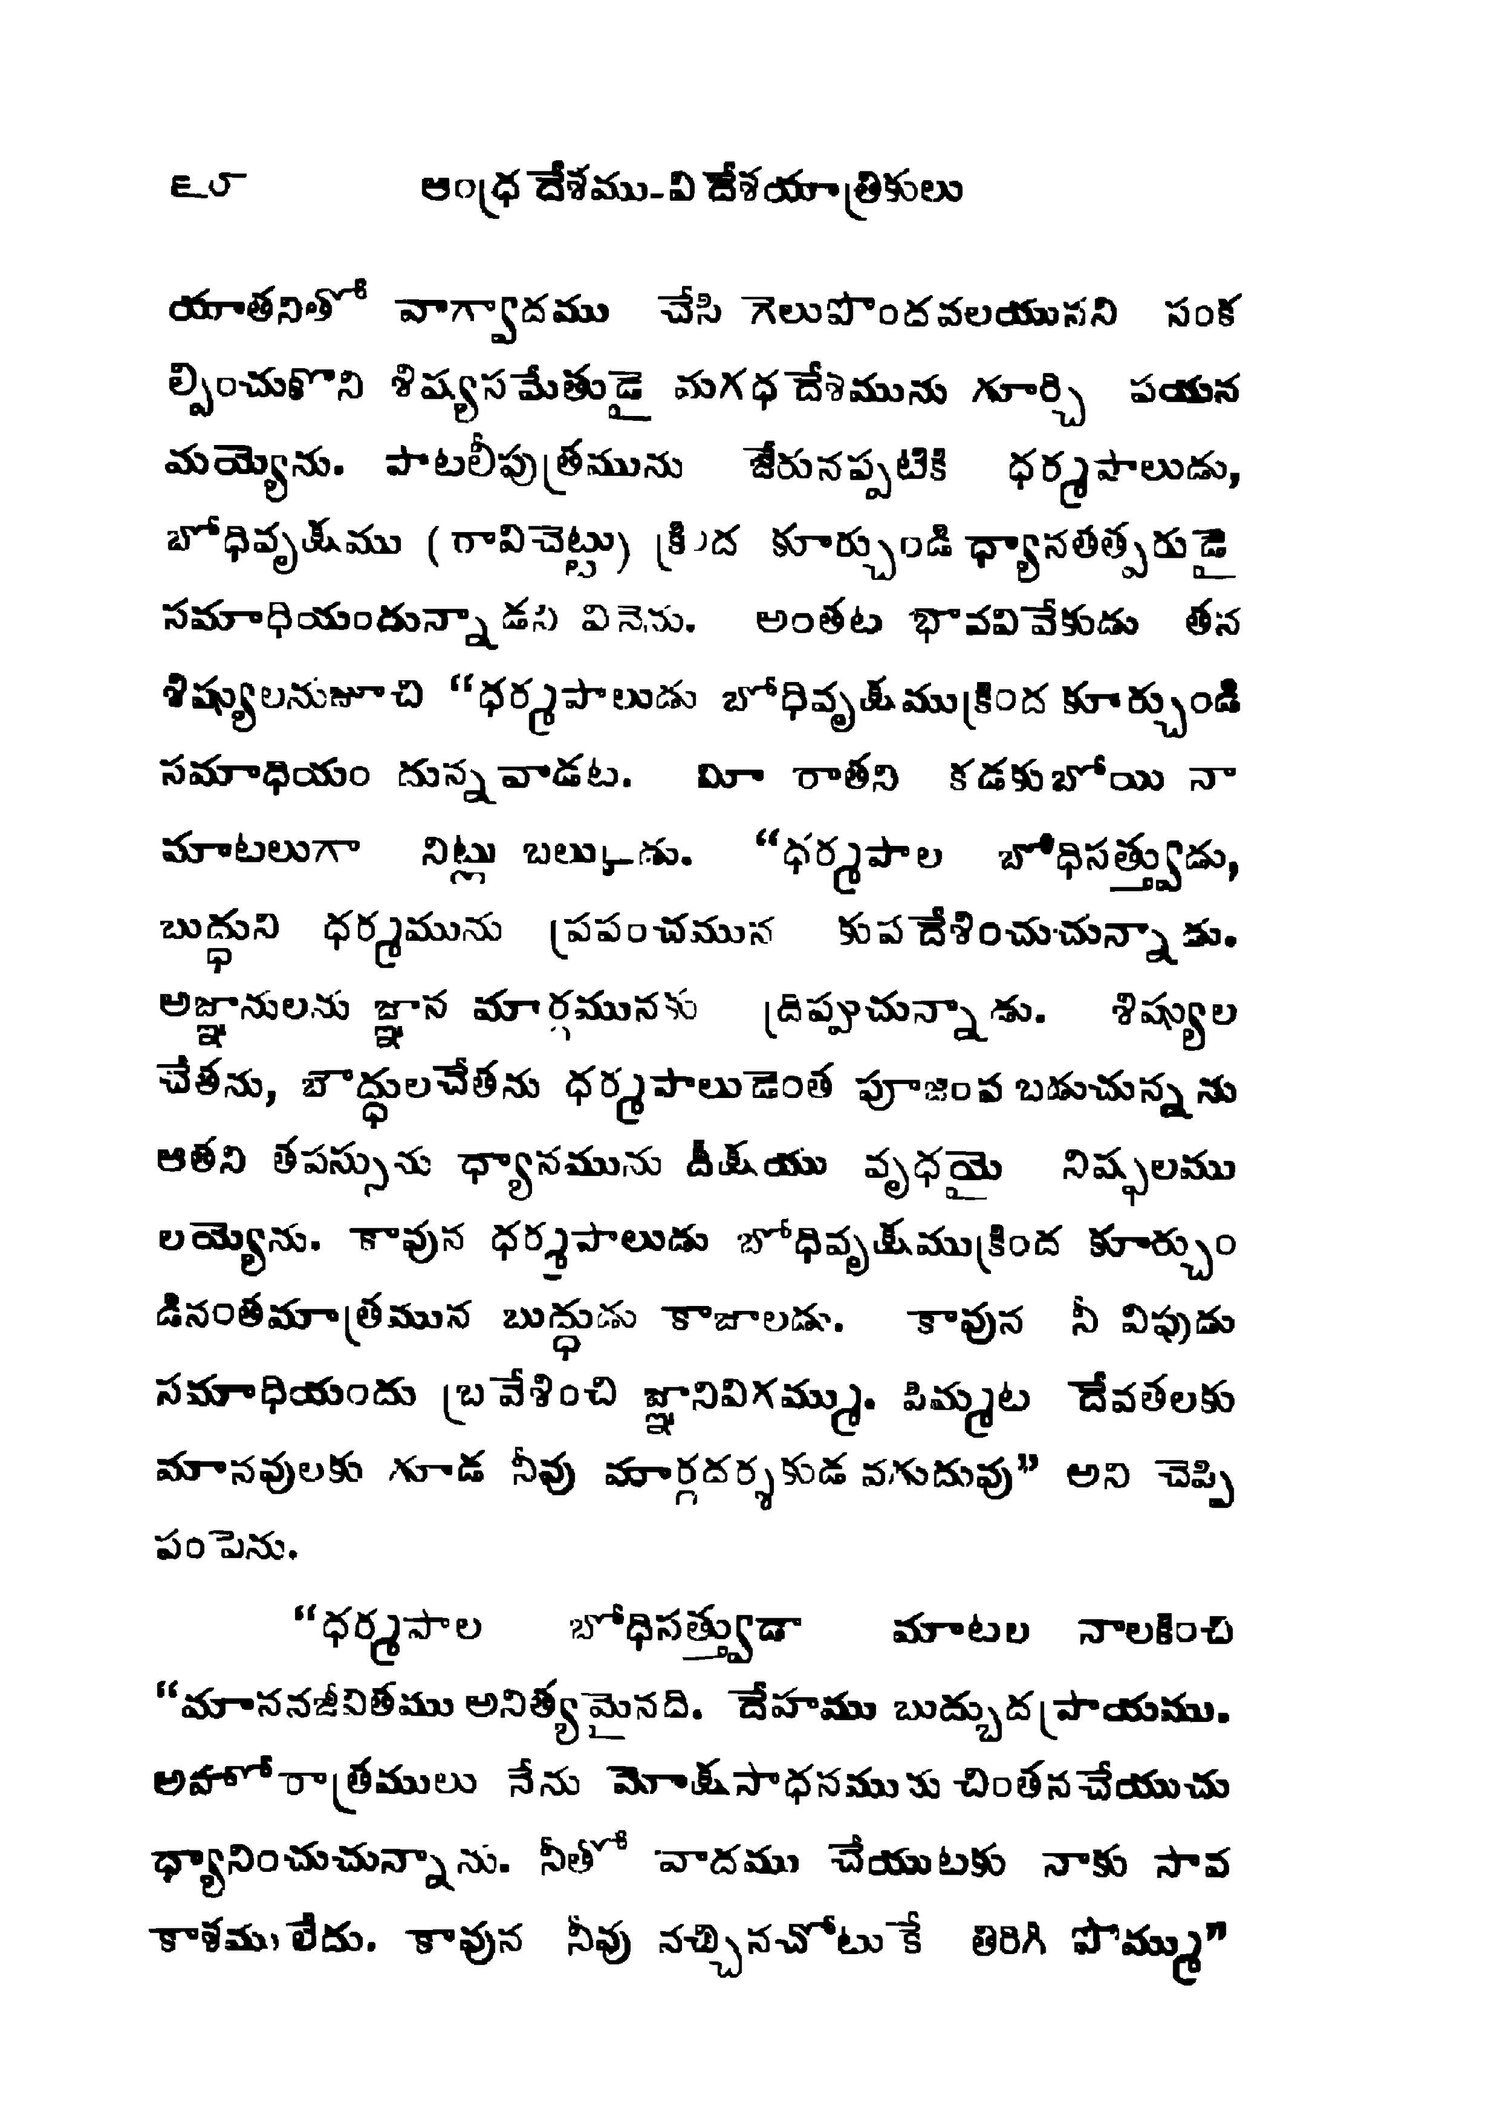యాతనితో వాగ్వాదము చేసి గెలుపొందవలయునని సంకల్పించుకొని శిష్యసమేతుడై మగధదేశమును గూర్చి పయన మయ్యెను. పాటలీపుత్రమును జేరునప్పటికి ధర్మపాలుడు,బోధివృక్షము (రావిచెట్టు) క్రింద కూర్చుండి ధ్యానతత్పరుడై సమాధియందున్నాడని వినెను. అంతట భావవివేకుడు తన శిష్యులనుజూచి "ధర్మపాలుడు బోధివృక్షముక్రింద కూర్చుండి సమాధియం దున్నవాడట. మీ రాతని కడకుబోయి నా మాటలుగా నిట్లు బల్కుడు. "ధర్మపాల బోధిసత్త్వుడు, బుద్ధుని ధర్మమును ప్రపంచమున కుపదేశించు చున్నాడు. అజ్ఞానులను జ్ఞాన మార్గమునకు ద్రిప్పుచున్నాడు. శిష్యుల చేతను, బౌద్ధులచేతను ధర్మపాలుడెంత పూజింప బడుచున్నను ఆతని తపస్సును ధ్యానమును దీక్షయు వృధయై నిష్పలములయ్యెను. కావున ధర్మపాలుడు బోధివృక్షము క్రింద కూర్చుండి నంతమాత్రమున బుద్ధుడు కాజాలడు. కావున నీ విపుడు సమాధియందు బ్రవేశించి జ్ఞానివిగమ్ము. పిమ్మట దేవతలకు మానవులకు గూడ నీవు మార్గదర్శకుడ వగుదువు" అని చెప్పి పంపెను.

"ధర్మసాల బోధిసత్త్వుడా మాటల నాలకించి "మానవజీవితము అనిత్యమైనది. దేహము బుద్బుదప్రాయము. అహోరాత్రములు నేను మోక్షసాధనమును చింతన చేయుచు ధ్యానించు చున్నాను. నీతో వాదము చేయుటకు నాకు సావకాశము లేదు. కావున నీవు నచ్చినచోటుకే తిరిగి పొమ్ము"